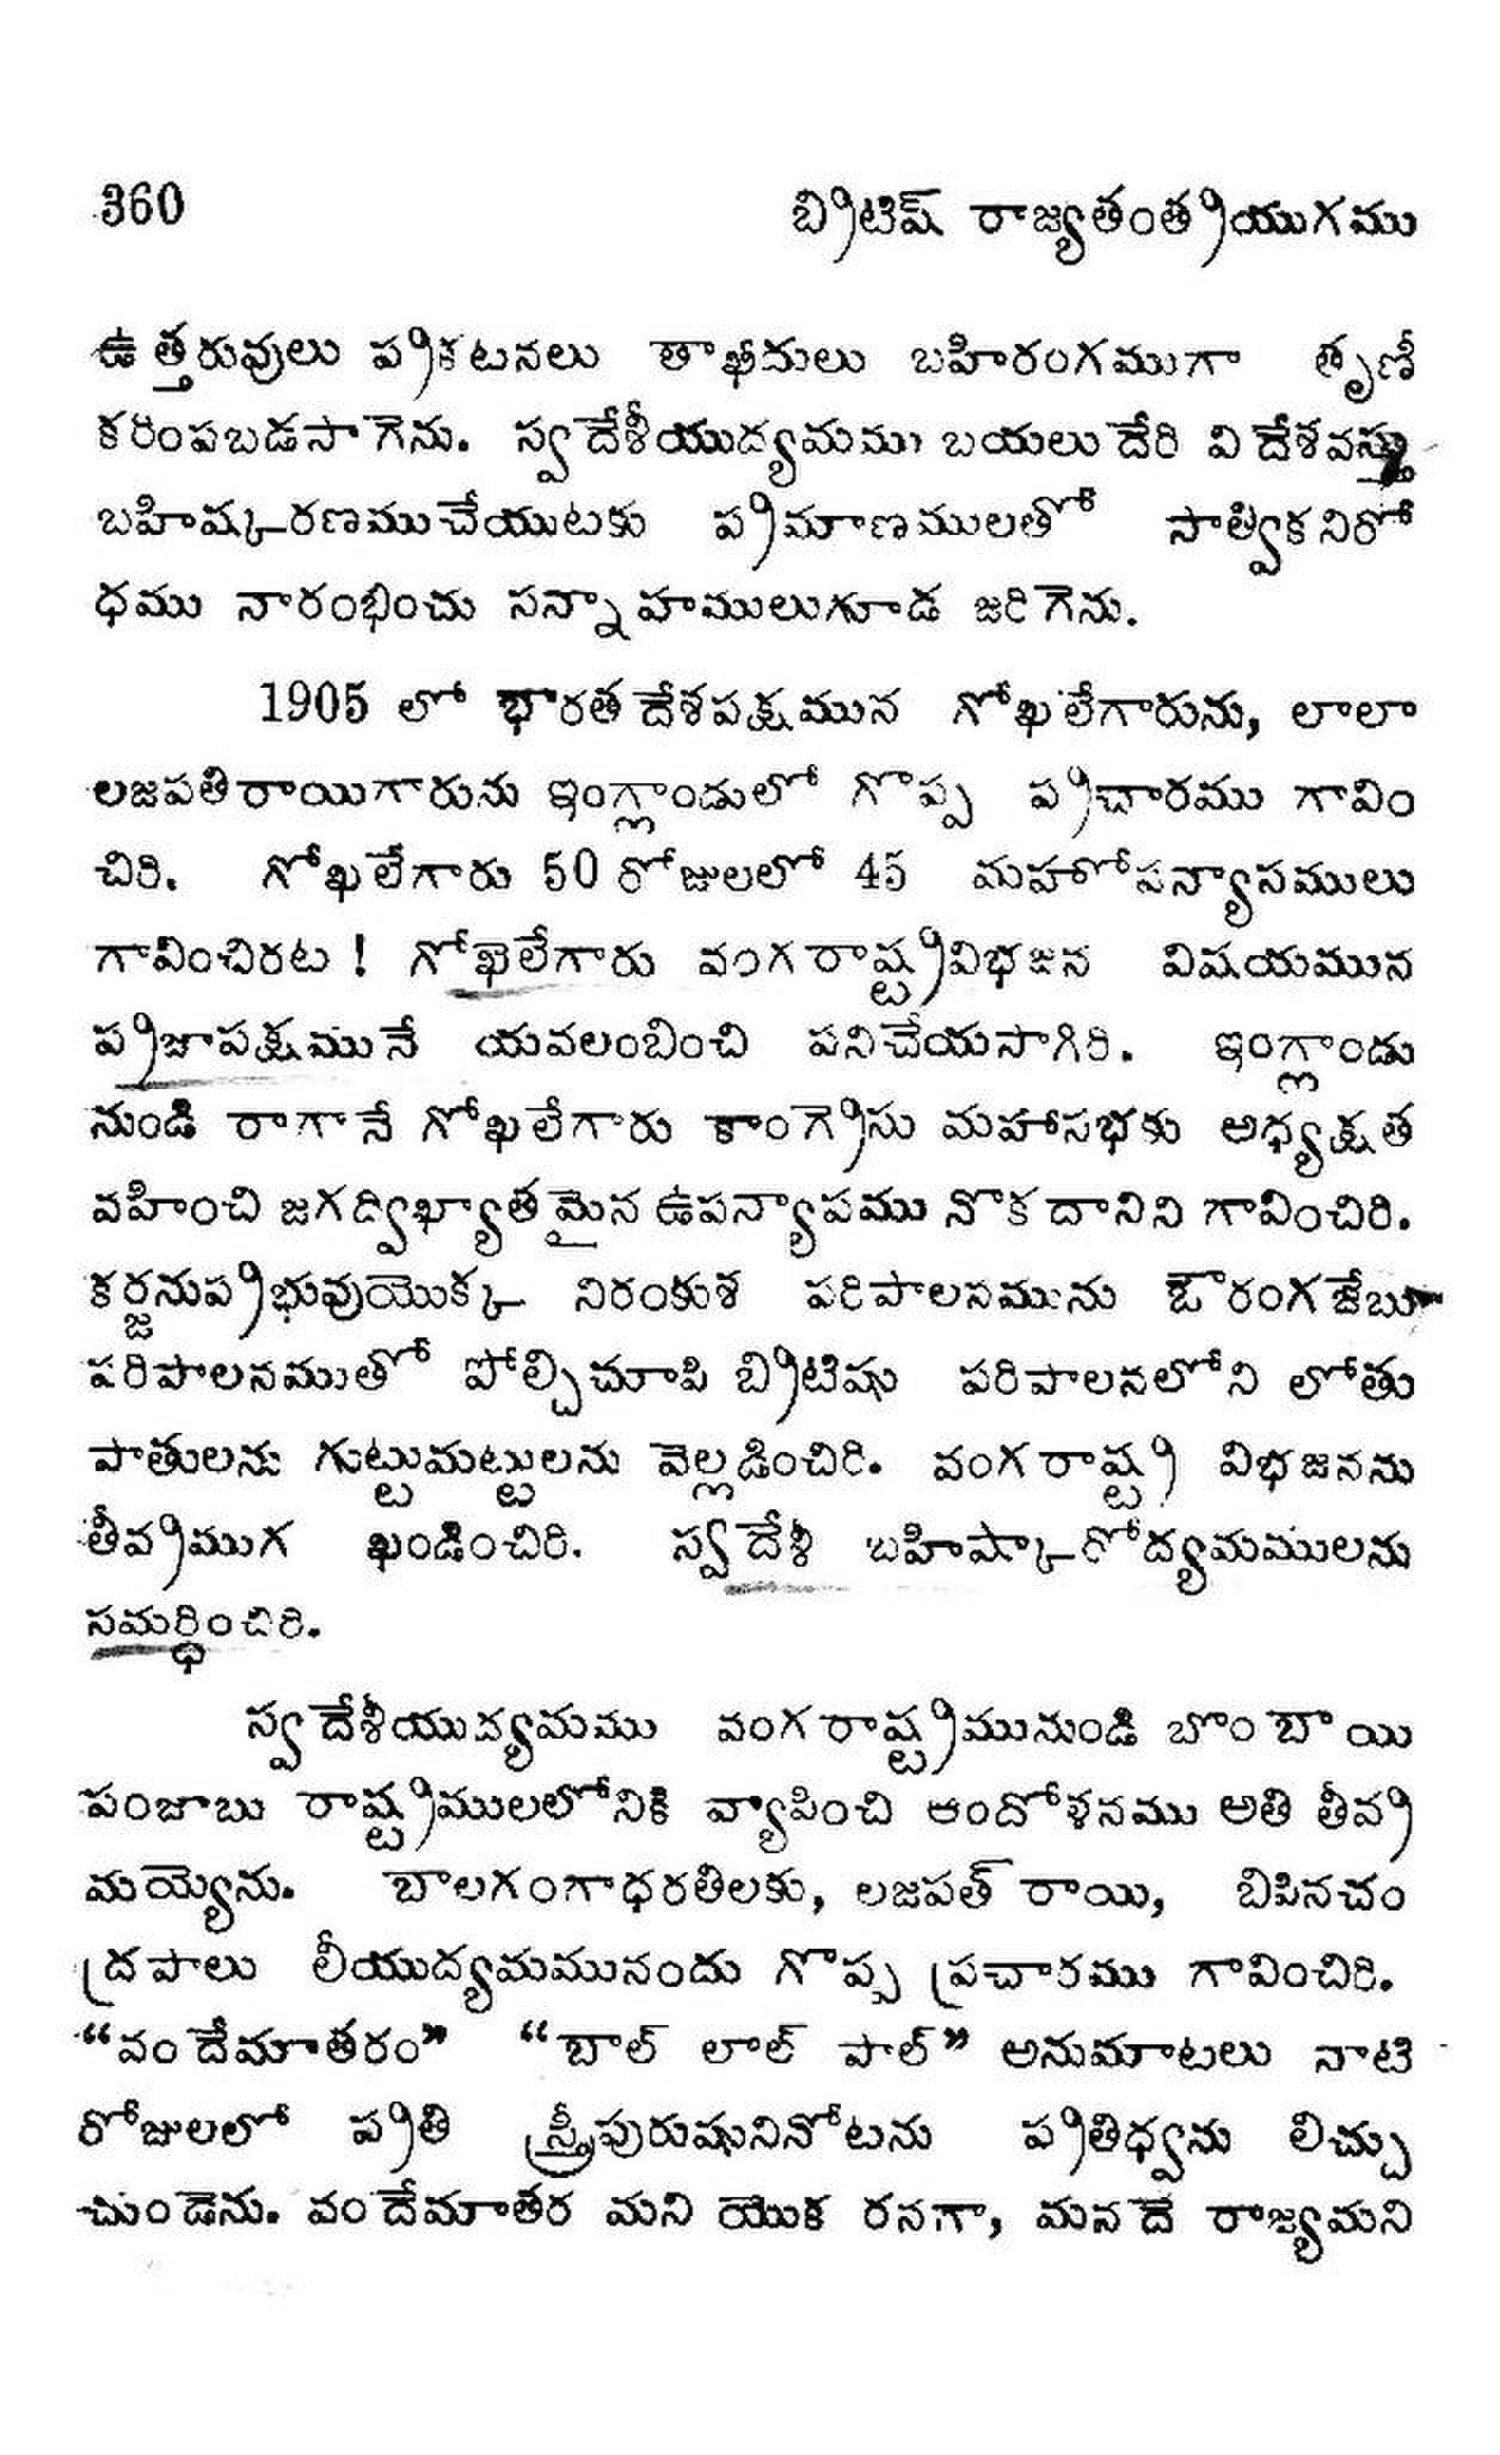ఉత్తరువులు ప్రకటనలు తాఖీదులు బహిరంగముగా తృణీకరింపబడసాగెను. స్వదేశీయుద్యమము బయలుదేరి విదేశవస్తు, బహిష్కరణముచేయుటకు ప్రమాణములతో సాత్వికనిరోధము నారంభించు సన్నాహములుగూడ జరిగెను.

1905 లో భారతదేశపక్షమున గోఖలేగారును, లాలా లజపతిరాయిగారును ఇంగ్లాండులో గొప్ప ప్రచారము గావించిరి. గోఖలేగారు 50 రోజులలో 45 మహోపన్యాసములు గావించిరట! గోఖాలేగారు వంగరాష్ట్రవిభజన విషయమున ప్రజాపక్షమునే యవలంబించి పనిచేయసాగిరి. ఇంగ్లాండునుండి రాగానే గోఖలేగారు కాంగ్రెసు మహాసభకు అధ్యక్షత వహించి జగద్విఖ్యాతమైన ఉపన్యాసము నొకదానినిగావించిరి. కర్జనుప్రభువుయొక్క నిరంకుశ పరిపాలనమును ఔరంగజేబు పరిపాలనముతో పోల్చిచూపి బ్రిటిషు పరిపాలనలోని లోతుపాతులను గుట్టుమట్టులను వెల్లడించిరి. వంగరాష్ట్ర విభజనను తీవ్రముగ ఖండించిరి. స్వదేశీ బహిష్కారోద్యమములను సమర్ధించిరి.

స్వదేశీయుద్యమము వంగరాష్ట్రమునుండి బొంబాయి పంజాబు రాష్ట్రములలోనికి వ్యాపించి ఆందోళనము అతి తీవ్రమయ్యెను. బాలగంగాధరతిలకు, లజపత్ రాయి, బిపినచంద్రపాలు లీయుద్యమమునందు గొప్ప ప్రచారము గావించిరి. “వందేమాతరం” “బాల్ లాల్ పాల్ " అనుమాటలు నాటి రోజులలో ప్రతి స్త్రీపురుషునినోటను ప్రతిధ్వను లిచ్చు చుండెను. వందేమాతర మని యొక రనగా, మనదే రాజ్యమని